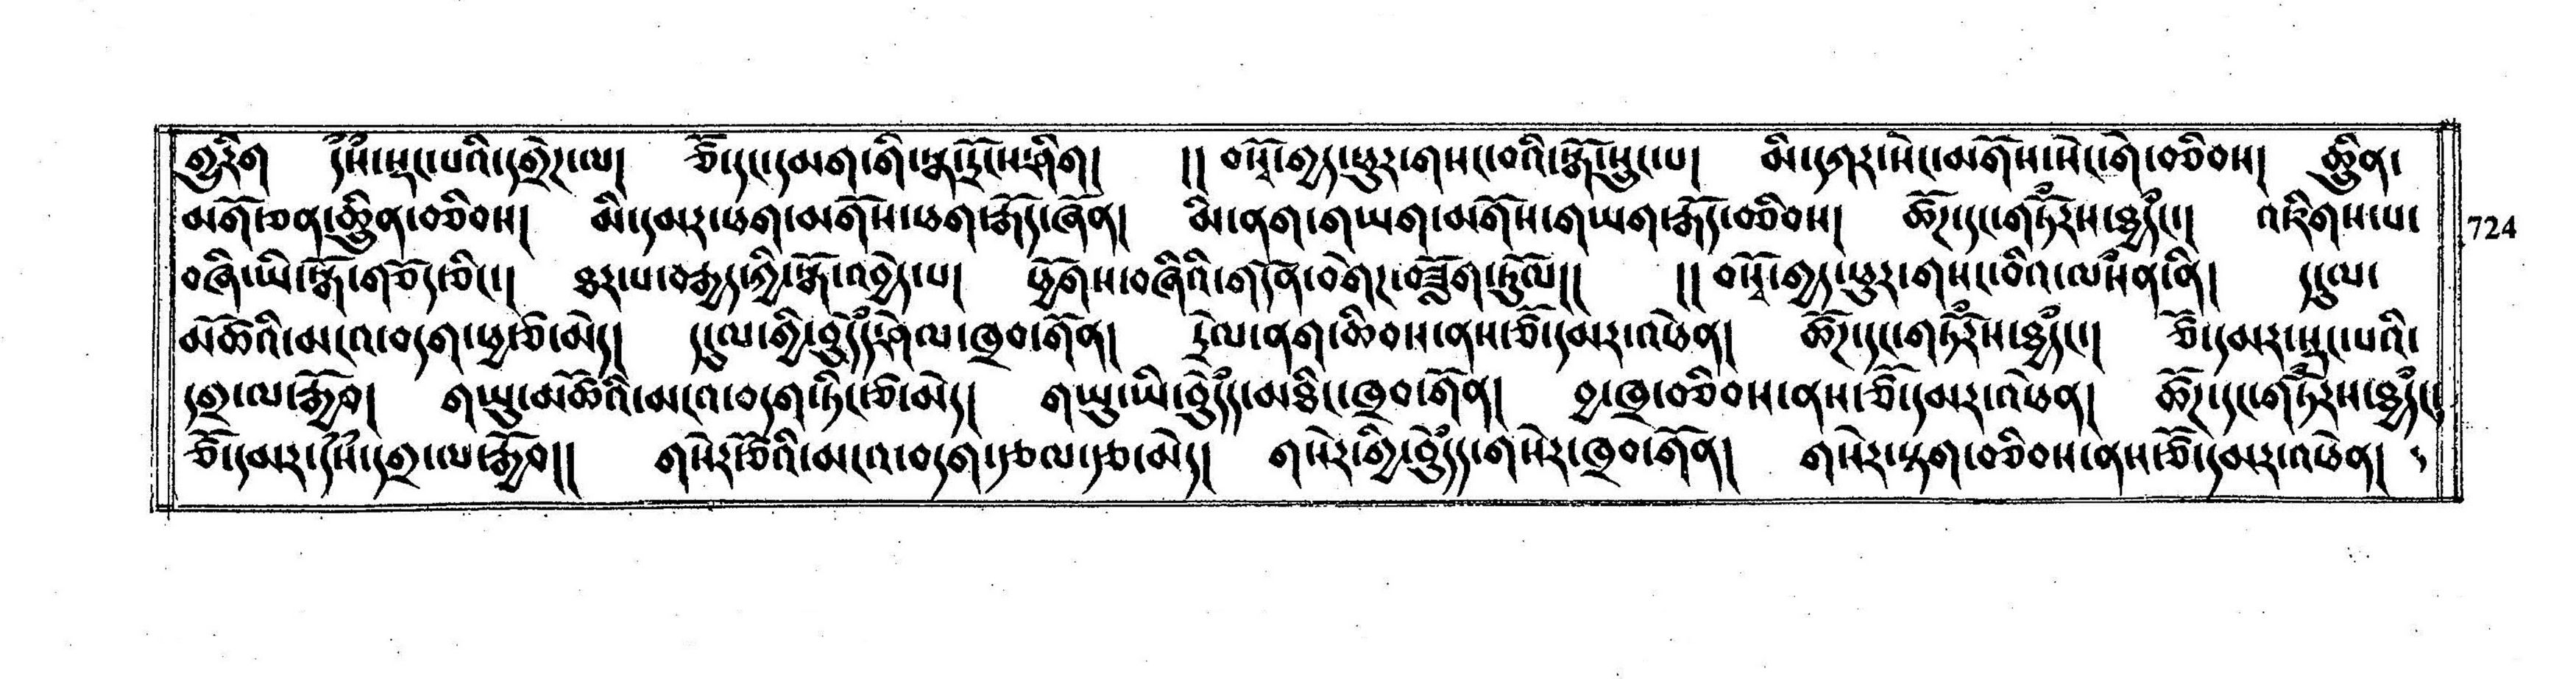གྱུར་ཅིག དམ་ཉམས་སྡང་པའི་དགྲ་བགེགས་ལ། ཙོ་དང་དམག་གི་སྣ་དྲོངས་ཤིག །།བསྭོ་གྱད་ཕུར་གསང་བའི་སྒོ་སྲུང་པ། མི་དཀར་སེང་མགོས་སེང་གེ་བཅིབས། ཆུ་སྲིན་
མགོ་ཅན་ཆུ་སྲིན་བཅིབས། མི་དམར་ཕག་མགོས་ཕག་རྒོད་ཞོན། མི་ནག་གཡག་མགོས་གཡག་རྒོད་བཅིབས། ཚོགས་དང་གཏོར་མས་ཐུགས་དམ་བསྐང་། འཇིགས་པ་
བཞི་ཡི་སྒོ་གཅོད་ཅིང་། ཐར་པ་བརྒྱད་ཀྱི་སྒོ་འབྱེད་པ། ཕྱོགས་བཞིའི་གདོན་བགེགས་བཟློག་ཏུ་གསོལ།། །།བསྭོ་གྱད་ཕུར་གསང་བའི་ལས་མཁན་ནི། དངུལ་
མཚོའི་མངའ་བདག་ཕྱ་ཙ་མེད། དངུལ་གྱི་བདུད་རྩི་ཤེལ་ཁྲབ་གོན། དྲེལ་ནག་ཆིབས་ནས་ཙོ་དམར་འཕེན། ཚོགས་དང་གཏོར་མས་ཐུགས་དམ་བསྐང་། ཙོ་དམར་སྡང་པའི་
དགྲ་ལ་རྒྱོབས། གཡུ་མཚོའི་མངའ་བདག་ཏིང་ཙ་མེད། གཡུ་ཡི་བུད་མེད་མཐིང་ཁྲབ་གོན། བྱ་ཁྲ་བཅིབས་ནས་ཙོ་དམར་འཕེན། ཚོགས་དང་གཏོར་མས་ཐུགས་དམ་བསྐང་། 
ཙོ་དམར་དམ་ཉམས་དགྲ་ལ་རྒྱོབ།། གསེར་ཙོའི་མངའ་བདག་རྩལ་རྩ་མེད། གསེར་གྱི་བུད་མེད་གསེར་ཁྲབ་གོན། གསེར་སྟག་བཅིབས་ནས་ཙོ་དམར་འཕེན།